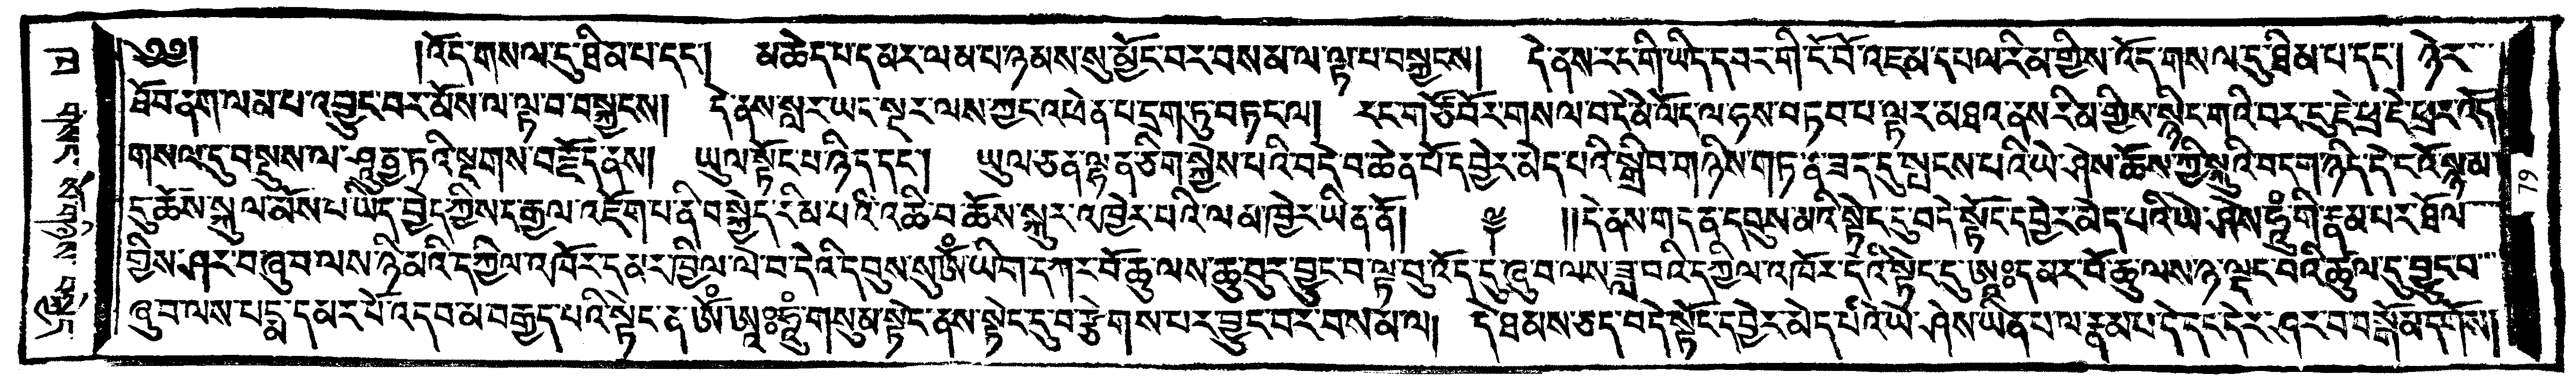༄༅། །འོད་གསལ་དུ་ཐིམ་པ་དང་། མཆེད་པ་དམར་ལམ་པ་ཉམས་སུ་མྱོང་བར་བསམ་ལ་ལྟ་པ་བསྐྱངས། དེ་ནས་རང་གི་ཡིད་དབང་གི་ངོ་བོ་འཇམ་དཔལ་རིམ་གྱིས་འོད་གསལ་དུ་ཐིམ་པ་དང་། ཉེར་
ཐོབ་ནག་ལམ་པ་འབྱུང་བར་མོས་ལ་ལྟ་བ་བསྐྱངས། དེ་ནས་སླར་ཡང་སྔར་ལས་ཀྱང་འཕེན་པ་དྲག་ཏུ་བཏང་ལ། རང་གཙོ་བོར་གསལ་བ་དེ་མེ་ལོང་ལ་ཧས་བཏབ་པ་ལྟར་མཐའ་ནས་རིམ་གྱིས་སྙིང་གའི་བར་དུ་ཇེ་ཕྲ་ཇེ་ཕྲར་འོད་
གསལ་དུ་བསྡུས་ལ་ཤཱུནྱ་ཏའི་སྔགས་བརྗོད་ནས། ཡུལ་སྟོང་པ་ཉིད་དང་། ཡུལ་ཅན་ལྷན་ཅིག་སྐྱེས་པའི་བདེ་བ་ཆེན་པོ་དབྱེར་མེད་པའི་སྒྲིབ་གཉིས་གཏན་ཟད་དུ་སྤངས་པའི་ཡེ་ཤེས་ཆོས་ཀྱི་སྐུའི་བདག་ཉིད་དེ་ངའོ་སྙམ་
དུ་ཆོས་སྐུལ་མོས་པ་ཡིད་བྱེད་ཀྱིས་ང་རྒྱལ་འཇོག་པ་ནི་བསྐྱེད་རིམ་པའི་འཆི་བ་ཆོས་སྐུར་འཁྱེར་པའི་ལམ་ཁྱེར་ཡིན་ནོ། ༈ །།དེ་ནས་གདན་དབུས་མའི་སྟེང་དུ་བདེ་སྟོང་དབྱེར་མེད་པའི་ཡེ་ཤེས་ཧཱུཾ་གི་རྣམ་པར་ཐོལ་
གྱིས་ཤར་བ་ཞུ་བ་ལས་ཉི་མའི་དཀྱིལ་འཁོར་དམར་ཁྱིལ་ལེ་བ་དེའི་དབུས་སུ་ཨོཾ་ཡིག་དཀར་པོ་ཆུ་ལས་ཆུ་བུར་བྱུང་བ་ལྟ་བུ་འོད་དུ་ཞུ་བ་ལས་ཟླ་བའི་དཀྱིལ་འཁོར་དེའི་སྟེང་དུ་ཨཱཿདམར་པོ་ཆུ་ལས་ཉ་ལྡང་བའི་ཚུལ་དུ་བྱུང་བ་
ཞུ་བ་ལས་པདམ་དམར་པོ་འདབ་མ་བརྒྱད་པའི་སྟེང་ན་ཨོཾ་ཨཱཿཧཱུཾ་གསུམ་སྟེང་ནས་སྟེང་དུ་བརྩེགས་པར་བྱུང་བར་བསམ་ལ། དེ་ཐམས་ཅད་བདེ་སྟོང་དབྱེར་མེད་པའི་ཡེ་ཤེས་ཡིན་པ་ལ་རྣམ་པ་དེ་དང་དེར་ཤར་བ་བསྒོམ་དགོས།